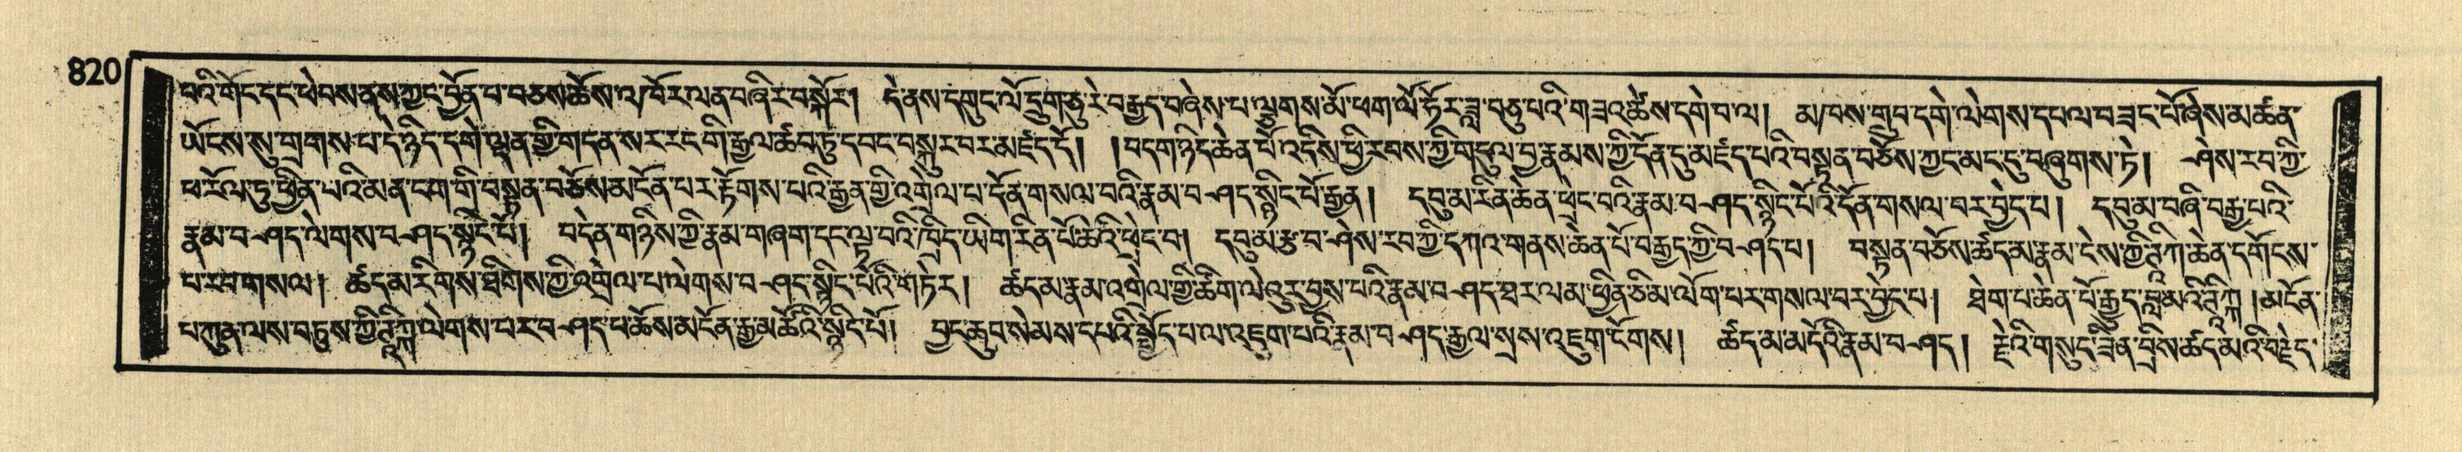བའི་གོང་དང་ཕེབས་ནས་ཀྱང་བྱོན་པ་བཅས་ཆོས་འཁོར་ལན་བཞིར་བསྐོར། དེ་ནས་དགུང་ལོ་དྲུག་ཅུ་རེ་བརྒྱད་བཞེས་པ་ལྕགས་མོ་ཕག་ལོ་ཧོར་ཟླ་བཅུ་པའི་གཟའ་ཚེས་དགེ་བ་ལ། མཁས་གྲུབ་དགེ་ལེགས་དཔལ་བཟང་པོ་ཞེས་མཚན་
ཡོངས་སུ་གྲགས་པ་དེ་ཉིད་དགེ་ལྡན་གྱི་གདན་སར་རང་གི་རྒྱལ་ཚབ་ཏུ་དབང་བསྐུར་བར་མཛད་དོ། །བདག་ཉིད་ཆེན་པོ་འདིས་ཕྱི་རབས་ཀྱི་གདུལ་བྱ་རྣམས་ཀྱི་དོན་དུ་མཛད་པའི་བསྟན་བཅོས་ཀྱང་མང་དུ་བཞུགས་ཏེ། ཤེས་རབ་ཀྱི་
ཕ་རོལ་ཏུ་ཕྱིན་པའི་མན་ངག་གི་བསྟན་བཅོས་མངོན་པར་རྟོགས་པའི་རྒྱན་གྱི་འགྲེལ་པ་དོན་གསལ་བའི་རྣམ་བཤད་སྙིང་པོ་རྒྱན། དབུ་མ་རིན་ཆེན་ཕྲེང་བའི་རྣམ་བཤད་སྙིང་པོའི་དོན་གསལ་བར་བྱེད་པ། དབུ་མ་བཞི་བརྒྱ་པའི་
རྣམ་བཤད་ལེགས་བཤད་སྙིང་པོ། བདེན་གཉིས་ཀྱི་རྣམ་གཞག་དང་ལྟ་བའི་ཁྲིད་ཡིག་རིན་པོ་ཆེའི་ཕྲེང་བ། དབུ་མ་རྩ་བ་ཤེས་རབ་ཀྱི་དཀའ་གནས་ཆེན་པོ་བརྒྱད་ཀྱི་བཤད་པ། བསྟན་བཅོས་ཚད་མ་རྣམ་ངེས་ཀྱི་ཊཱིཀ་ཆེན་དགོངས་
པ་རབ་གསལ། ཚད་མ་རིགས་ཐིགས་ཀྱི་འགྲེལ་པ་ལེགས་བཤད་སྙིང་པོའི་གཏེར། ཚད་མ་རྣམ་འགྲེལ་གྱི་ཚིག་ལེའུར་བྱས་པའི་རྣམ་བཤད་ཐར་ལམ་ཕྱིན་ཅི་མ་ལོག་པར་གསལ་བར་བྱེད་པ། ཐེག་པ་ཆེན་པོ་རྒྱུད་བླ་མའི་ཊཱིཀྐ །མངོན་
པ་ཀུན་ལས་བཏུས་ཀྱི་ཊཱིཀྐ་ལེགས་པར་བཤད་པ་ཆོས་མངོན་རྒྱ་མཚོའི་སྙིང་པོ། བྱང་ཆུབ་སེམས་དཔའི་སྤྱོད་པ་ལ་འཇུག་པའི་རྣམ་བཤད་རྒྱལ་སྲས་འཇུག་ངོགས། ཚད་མ་མདོའི་རྣམ་བཤད། རྗེའི་གསུང་ཟིན་བྲིས་ཚད་མའི་བརྗེད་